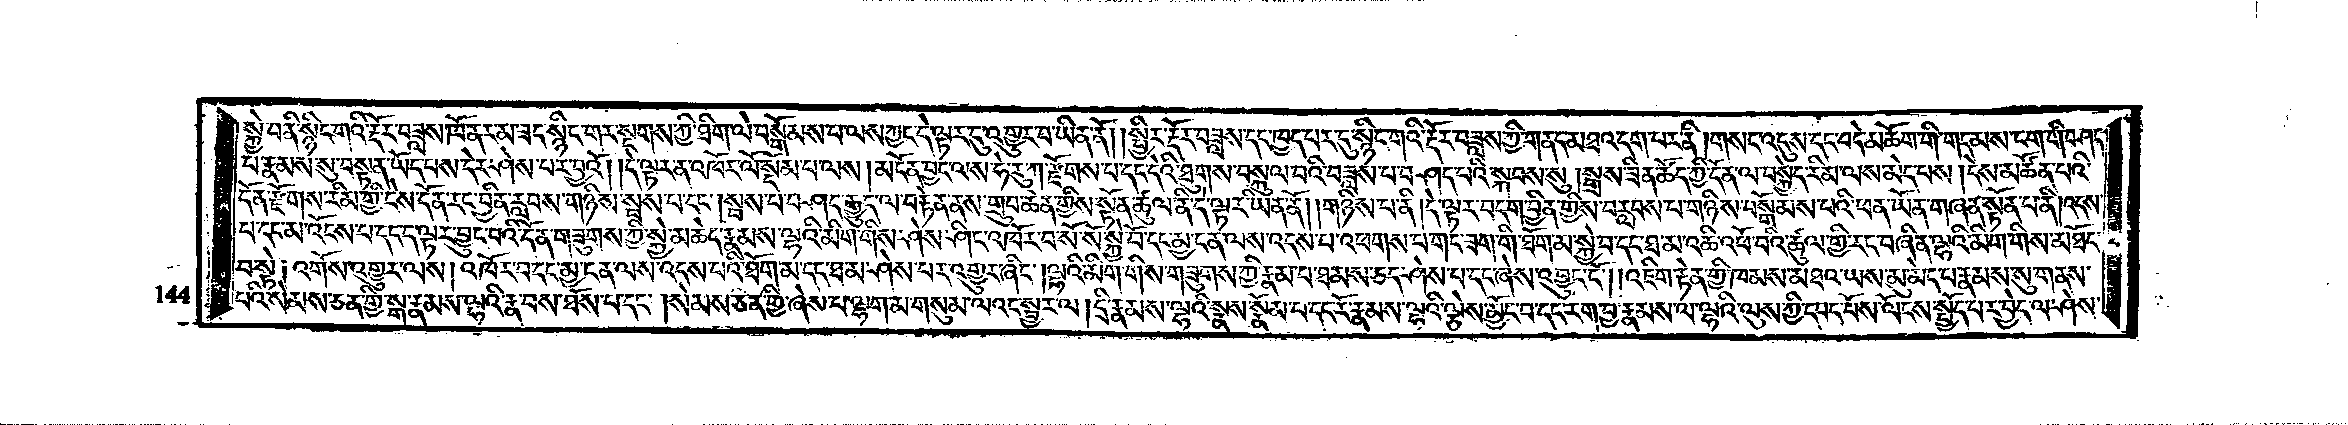སྐྱེ་བ་ནི་སྙིང་གའི་རྡོར་བཟླས་ཁོ་ནར་མ་ཟད་སྙིང་གར་སྔགས་ཀྱི་ཐིག་ལེ་བསྒོམས་པ་ལས་ཀྱང་དེ་ལྟར་དུ་འགྱུར་བ་ཡིན་ནོ། །སྤྱིར་རྡོར་བཟླས་དང་ཁྱད་པར་དུ་སྙིང་གའི་རྡོར་བཟླས་ཀྱི་གནད་མཐའ་དག་པར་ནི། གསང་འདུས་དང་བདེ་མཆོག་གི་གདམས་ངག་གི་བཤད་
པ་རྣམས་སུ་བསྟན་ཡོད་པས་དེར་ཤེས་པར་བྱའོ། །དེ་ལྟར་ན་འཁོར་ལོ་སྡོམ་པ་ལས། མངོན་བྱང་ལས་ཧེ་རུ་ཀ་རྫོགས་པ་དང་དེའི་ཐུགས་བསྐུལ་བའི་བཟླས་པ་བཤད་པའི་སྐབས་སུ། སྒྲས་ཟིན་ཚོད་ཀྱི་དོན་ལ་བསྐྱེད་རིམ་ལས་མེད་པས། དེས་མཚོན་པའི་
དོན་རྫོགས་རིམ་གྱི་ངེས་དོན་རང་བྱིན་རླབས་གཉིས་སྦས་པ་དང་། སྦས་པ་བཤད་རྒྱུད་ལ་བརྟེན་ནས་གྲུབ་ཆེན་གྱིས་སྟོན་ཚུལ་ནི་དེ་ལྟར་ཡིན་ནོ། །གཉིས་པ་ནི། དེ་ལྟར་བདག་བྱིན་གྱིས་བརླབས་པ་གཉིས་བསྒོམས་པའི་ཕན་ཡོན་གཞན་སྟོན་པ་ནི། འདས་
པ་དང་མ་འོངས་པ་དང་ད་ལྟར་བྱུང་བའི་དོན་གཟུགས་ཀྱི་སྐྱེ་མཆེད་རྣམས་ལྷའི་མིག་གིས་ཤེས་ཤིང་འཁོར་བ་སོ་སོ་སྐྱེ་བོ་དང་མྱ་ངན་ལས་འདས་པ་འཕགས་པ་གང་ཟག་གི་ཐོག་མ་སྐྱེ་བ་དང་ཐ་མ་འཆི་འཕོ་བའི་ཚུལ་གྱི་རང་བཞིན་ལྷའི་མིག་གིས་མཐོང་
བ་སྟེ། འགོས་འགྱུར་ལས། འཁོར་བ་དང་མྱ་ངན་ལས་འདས་པའི་ཐོག་མ་དང་ཐ་མ་ཤེས་པར་འགྱུར་ཞིང་། ལྷའི་མིག་གིས་གཟུགས་ཀྱི་རྣམ་པ་ཐམས་ཅད་ཤེས་པ་དང་ཞེས་འབྱུང་ངོ། །འཇིག་རྟེན་གྱི་ཁམས་མཐའ་ཡས་སུ་མེད་པ་རྣམས་སུ་གནས་
པའི་སེམས་ཅན་གྱི་སྒྲ་རྣམས་ལྷའི་རྣ་བས་ཐོས་པ་དང་། སེམས་ཅན་གྱི་ཞེས་པ་ལྷག་མ་གསུམ་ལའང་སྦྱར་ལ། དྲི་རྣམས་ལྷའི་སྣས་སྣོམ་པ་དང་རོ་རྣམས་ལྷའི་ལྕེས་མྱོང་བ་དང་རག་བྱ་རྣམས་ལ་ལྷའི་ལུས་ཀྱི་དབང་པོས་ལོངས་སྤྱོད་པར་བྱེད་ལ་ཤེས་